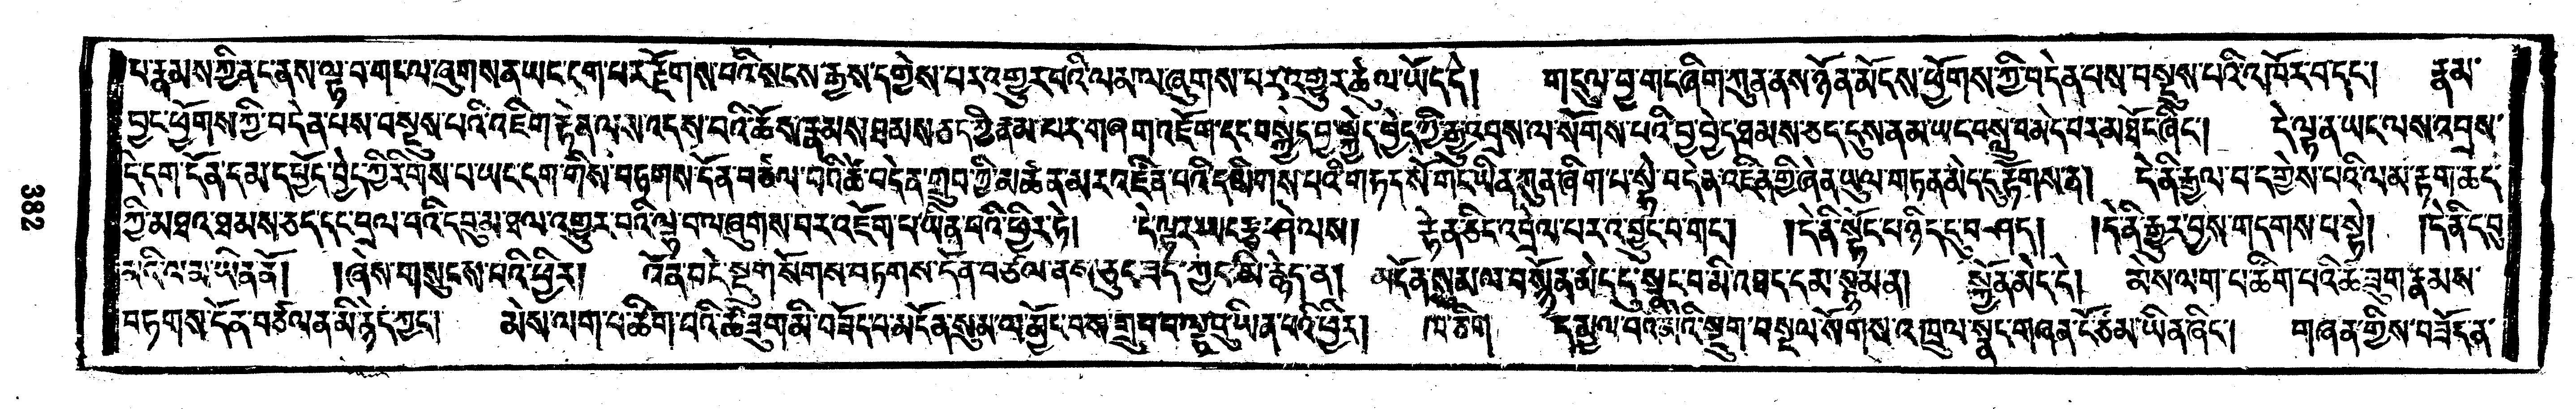པ་རྣམས་ཀྱི་ནང་ནས་ལྟ་བ་གང་ལ་ཞུགས་ན་ཡང་དག་པར་རྫོགས་པའི་སངས་རྒྱས་དགྱེས་པར་འགྱུར་པའི་ལམ་ལ་ཞུགས་པར་འགྱུར་ཚུལ་ཡོད་དེ། གདུལ་བྱ་གང་ཞིག་ཀུན་ནས་ཉོན་མོངས་ཕྱོགས་ཀྱི་བདེན་པས་བསྡུས་པའི་འཁོར་བ་དང་། རྣམ་
བྱང་ཕྱོགས་ཀྱི་བདེན་པས་བསྡུས་པའི་འཇིག་རྟེན་ལས་འདས་པའི་ཆོས་རྣམས་ཐམས་ཅད་ཀྱི་རྣམ་པར་གཞག་འཇོག་དང་བསྐྱེད་བྱ་སྐྱེད་བྱེད་ཀྱི་རྒྱུ་འབྲས་ལ་སོགས་པའི་བྱ་བྱེད་ཐམས་ཅད་དུས་ནམ་ཡང་བསླུ་བ་མེད་པར་མཐོང་ཞིང་། དེ་ལྟ་ན་ཡང་ལས་འབྲས་
དེ་དག་དོན་དམ་དཔྱོད་བྱེད་ཀྱི་རིགས་པ་ཡང་དག་གིས་བཏགས་དོན་བཙལ་བའི་ཚེ་བདེན་གྲུབ་ཀྱི་མཚན་མར་འཛིན་པའི་དམིགས་པའི་གཏད་སོ་གང་ཡིན་ཀུན་ཞིང་པ་སྟེ་བདེན་འཛིན་གྱི་ཞེན་ཡུལ་གཏན་མེད་དུ་རྟོགས་ན། དེ་ནི་རྒྱལ་བ་དགྱེས་པའི་ལམ་རྟག་ཆད་
ཀྱི་མཐའ་ཐམས་ཅད་དང་བྲལ་བའི་དབུ་མ་ཐལ་འགྱུར་བའི་ལྟ་བ་ལ་ཞུགས་པར་འཇོག་པ་ཡིན་པའི་ཕྱིར་ཏེ། དེ་ལྟར་ཡང་རྩ་ཤེས་ལས། རྟེན་ཅིང་འབྲེལ་པར་འབྱུང་བ་གང་། །དེ་ནི་སྟོང་པ་ཉིད་དུ་བཤད། །དེ་ནི་རྒྱུར་བྱས་གདགས་པ་སྟེ། །དེ་ནི་དབུ་
མའི་ལམ་ཡིན་ནོ། །ཞེས་གསུངས་པའི་ཕྱིར། འོ་ན་བདེ་སྡུག་སོགས་བཏགས་དོན་བཙལ་ནས་ཅུང་ཟད་ཀྱང་མི་རྙེད་ན། མངོན་སུམ་ལ་བསྙོན་མེད་དུ་སྣང་བ་མི་འཐད་དམ་སྙམ་ན། སྐྱོན་མེད་དེ། མེས་ལག་པ་ཚིག་པའི་ཚ་ཟུག་རྣམས་
བཏགས་དོན་བཙལ་ན་མི་རྙེད་ཀྱང་། མེས་ལག་པ་ཚིག་པའི་ཚ་ཟུག་མི་བཟོད་པ་མངོན་སུམ་ལ་མྱོང་བས་གྲུབ་པ་ལྟ་བུ་ཡིན་པའི་ཕྱིར། ཁ་ཅིག་དམྱལ་བའི་མེའི་སྡུག་བསྔལ་སོགས་འཁྲུལ་སྣང་གཞན་ངོ་ཙམ་ཡིན་ཞིང་། གཞན་གྱིས་བཟོད་ན་